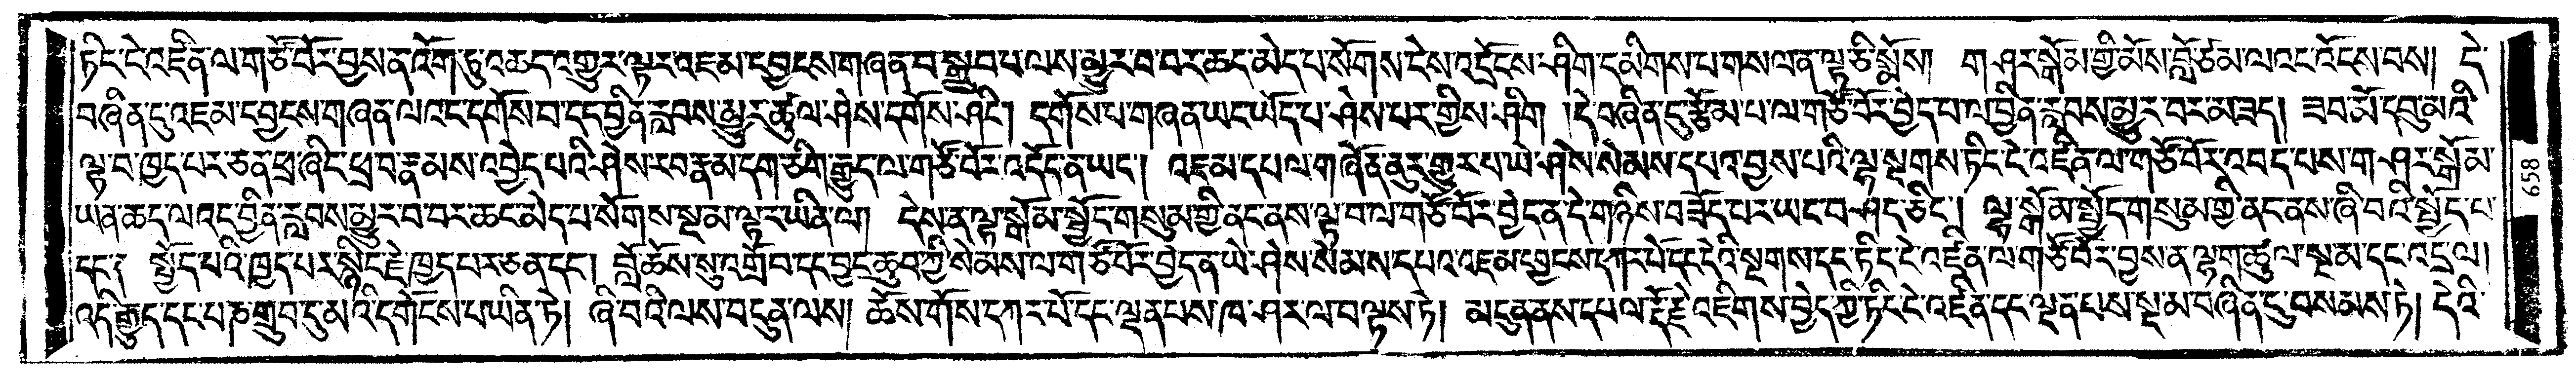ཏིང་ངེ་འཛིན་ལ་གཙོ་བོར་བྱས་ན་འོག་ཏུ་འཆད་འགྱུར་ལྟར་འཇམ་དབྱངས་གཞན་པ་སྒྲུབ་པ་ལས་མྱུར་བ་བར་ཆད་མེད་པ་སོགས་ངེས་འདྲོངས་ཤིག་དམིགས་པ་གསལ་ན་ལྟ་ཅི་སྨོས། གཤར་སྒོམ་གྱི་མོས་བློ་ཙམ་ལའང་འོངས་བས། དེ་
བཞིན་དུ་འཇམ་དབྱངས་གཞན་ལའང་དགོས་པ་དང་བྱིན་རླབས་མྱུར་ཚུལ་ཤེས་དགོས་ཤིང་། དགོས་པ་གཞན་ཡང་ཡོད་པ་ཤེས་པར་གྱིས་ཤིག །དེ་བཞིན་དུ་རྩོམ་པ་ལ་གཙོ་བོར་བྱེད་པ་ལ་བྱིན་རླབས་མྱུར་བར་མ་ཟད། ཟབ་མོ་དབུ་མའི་
ལྟ་བ་ཁྱད་པར་ཅན་ཕྲ་ཞིང་ཕྲ་བ་རྣམས་འབྱེད་པའི་ཤེས་རབ་རྣམ་དག་ཅིག་རྒྱུད་ལ་གཙོ་བོར་འདོད་ན་ཡང་། འཇམ་དཔལ་གཞོན་ནུར་གྱུར་པ་ཡེ་ཤེས་སེམས་དཔའ་བྱས་པའི་ལྷ་སྔགས་ཏིང་ངེ་འཛིན་ལ་གཙོ་བོར་འབད་པས་གཤར་སྒོམ་
ཡན་ཆད་ལའང་བྱིན་རླབས་མྱུར་བ་བར་ཆང་མེད་པ་སོགས་སྔ་མ་ལྟར་ཡིན་ལ། དེས་ན་ལྟ་སྒོམ་སྦྱོང་གསུམ་གྱི་ནང་ནས་ལྟ་བ་ལ་གཙོ་བོར་བྱེད་ན་དེ་གཉིས་བཟོད་པར་ཡང་བཤད་ཅིང་། ལྷ་སྒོམ་སྤྱོད་གསུམ་གྱི་ནང་ནས་ཞི་བའི་སྤྱོད་པ་
དང༑ སྤྱོད་པའི་ཁྱད་པར་སྙིང་རྗེ་ཁྱད་པར་ཅན་དང་། བློ་ཆོས་སུ་འགྲོ་བ་དང་བྱང་ཆུབ་ཀྱི་སེམས་ལ་གཙོ་བོར་བྱེད་ན་ཡེ་ཤེས་སེམས་དཔའ་འཇམ་དབྱངས་དཀར་པོ་དང་དེའི་སྔགས་དང་ཏིང་ངེ་འཛིན་ལ་གཙོ་བོར་བྱས་ན་ལྷག་ཚུལ་སྔ་མ་དང་འདྲ་ལ།
འདི་རྒྱུད་དང་པཎ་གྲུབ་དུ་མའི་དགོངས་པ་ཡིན་ཏེ། ཞི་བའི་ལས་བདུན་ལས། ཆོས་གོས་དཀར་པོ་དང་ལྡན་པས་ཁ་ཤར་ལ་བལྟས་ཏེ། མདུན་ནས་དཔལ་རྡོ་རྗེ་འཇིགས་བྱེད་ཀྱི་ཏིང་ངེ་འཛིན་དང་ལྡན་པས་སྔ་མ་བཞིན་དུ་བསམས་ཏེ། དེའི་